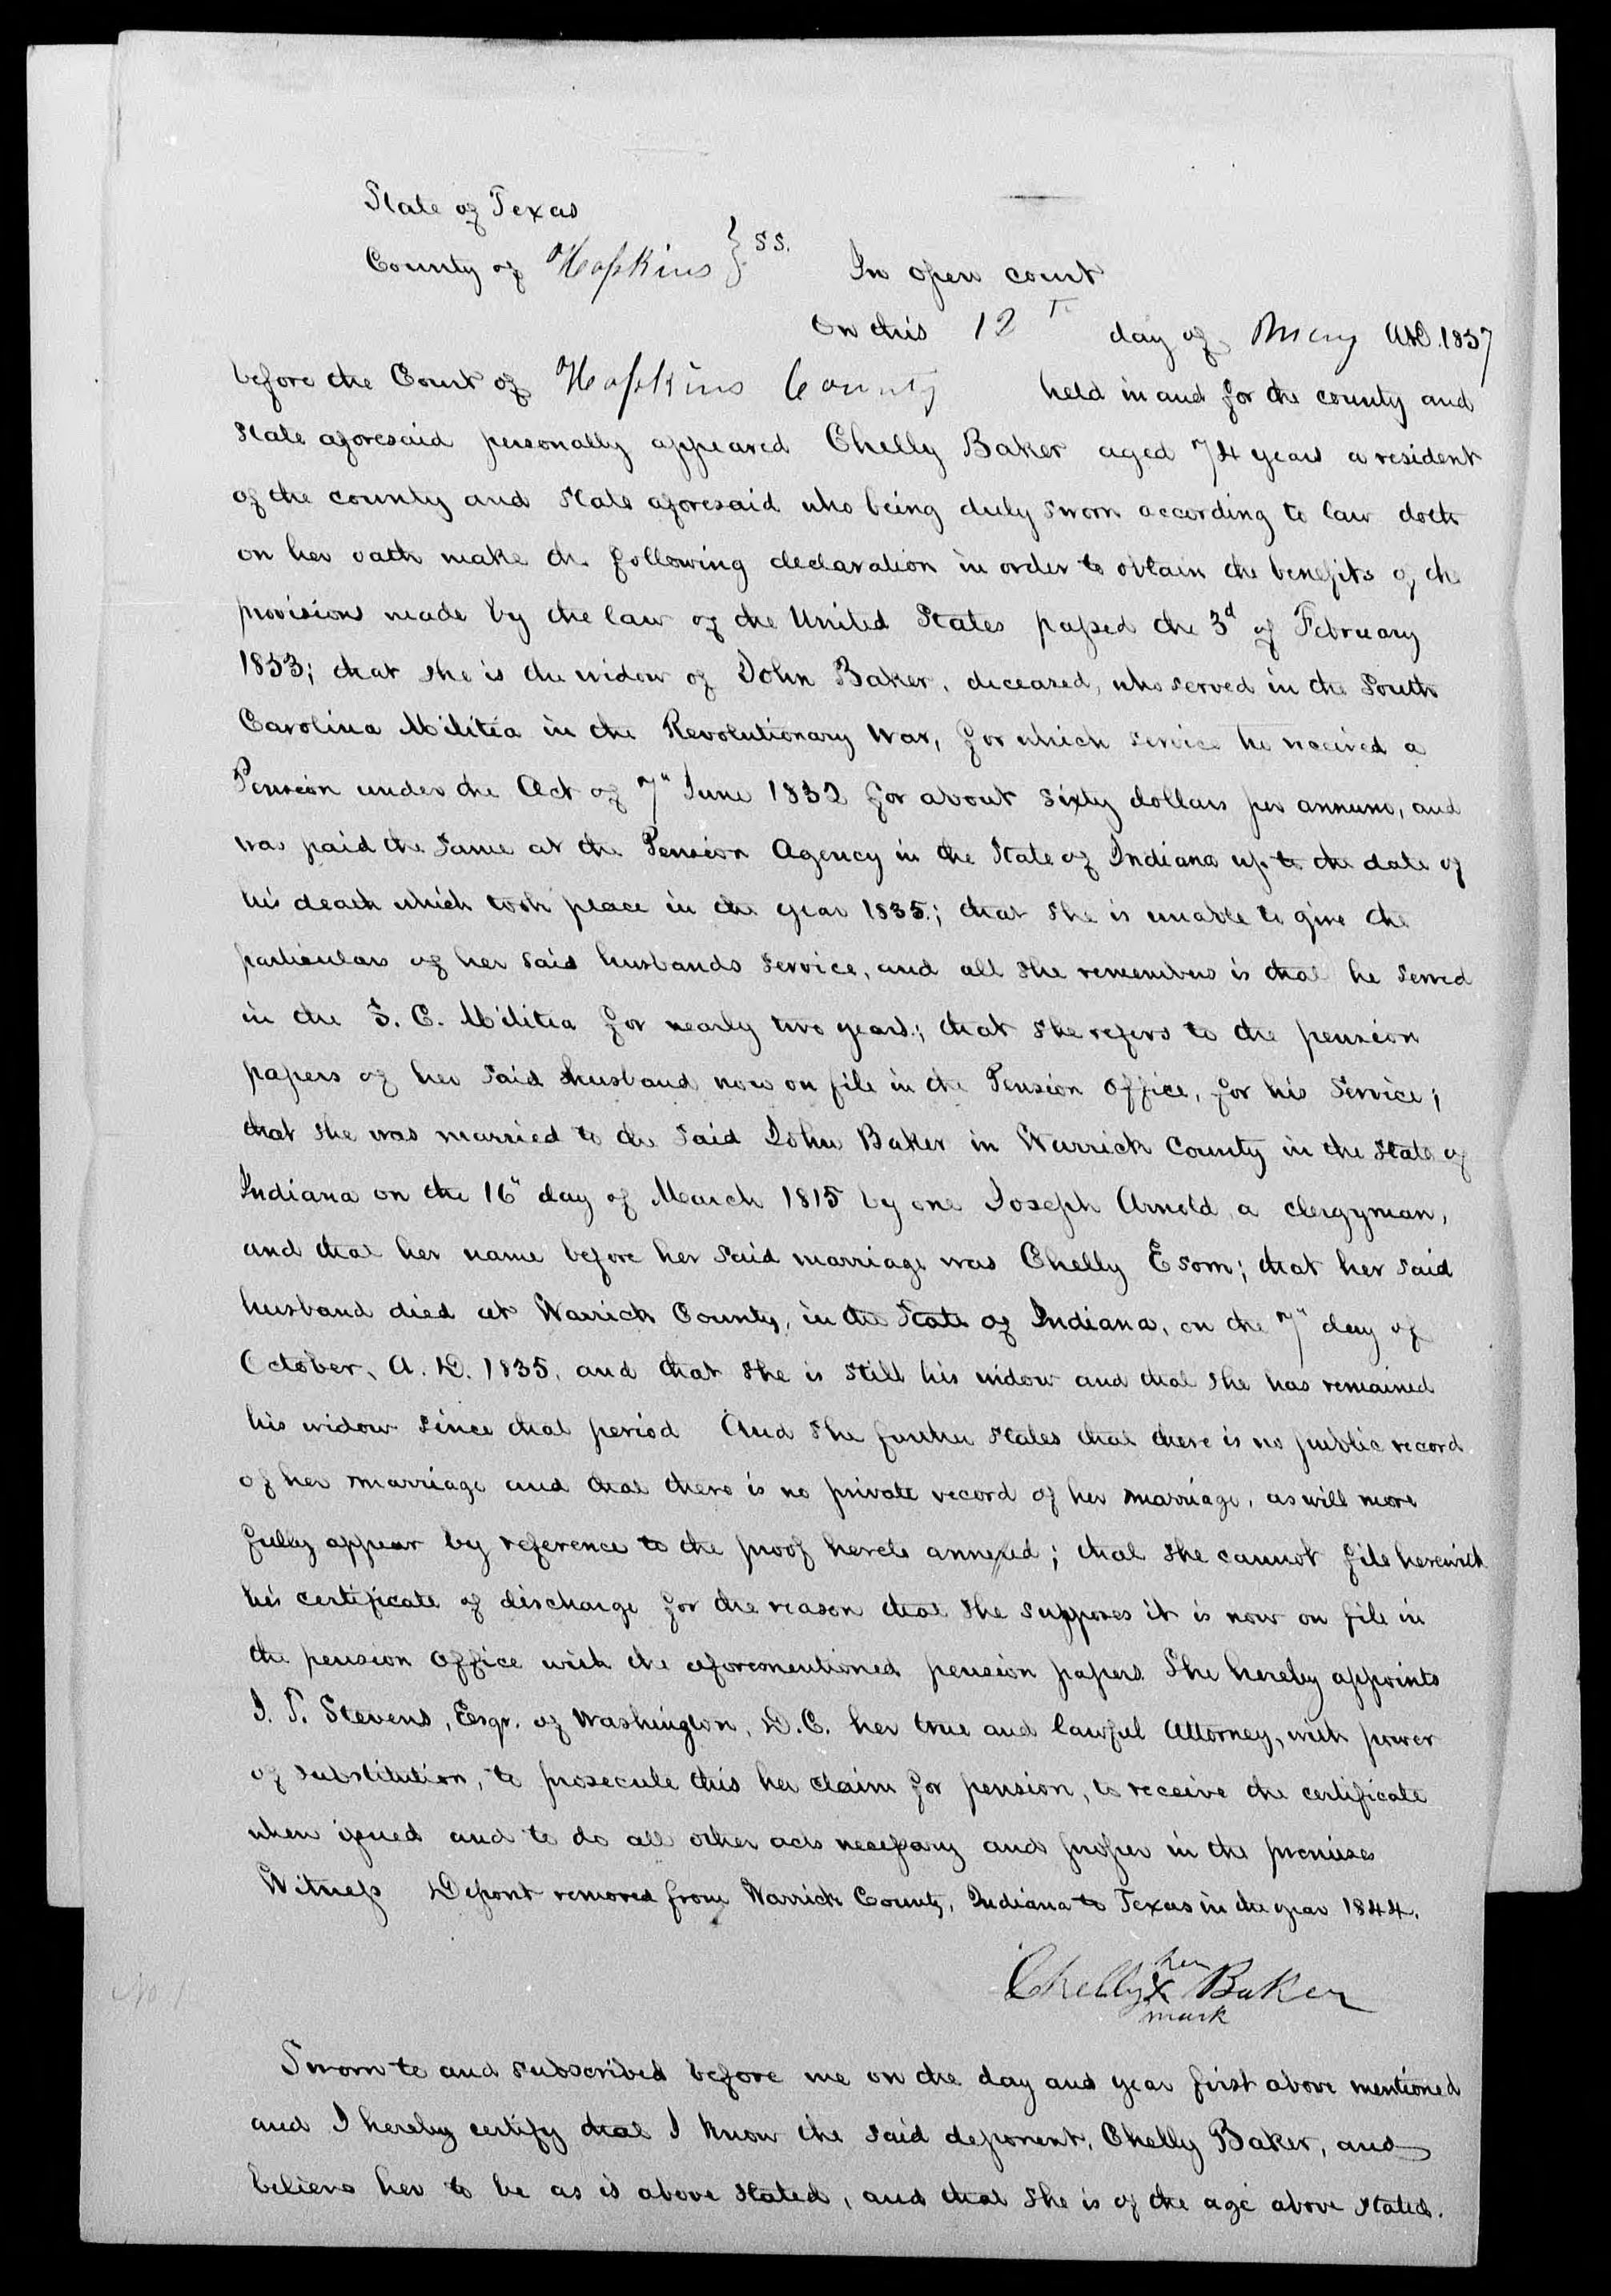State of Texas
County of Hopkins ss.
In open Court On this 12th day of May AD. 1857 before the Court of Hopkins County held in and for the County and State aforesaid personally appeared Chelly Baker aged 74 years a resident of the County and State aforesaid who being duly sworn according to law doth on her oath make the following declaration in order to obtain the benefits of the provision made by the law of the United States passed the 3d of February 1853; that she is the widow of John Baker, deceased, who served in the South Carolina Militia in the Revolutionary War, for which service he received a Pension under the act of 7th June 1832 for about sixty dollars per annum, and was paid the same at the Pension Agency in the State of Indiana up to the date of his death which took place in the year 1835; that she is unable to give the particulars of her said husbands service, and all she remembers is that he served in the S. C. Militia for nearly two years. that she refers to the pension papers of her said husband now on file in the Pension office, for his service; that she was married to do said John Baker in Warrick County in the State of Indiana on the 16 day of March 1815 by one Joseph Arnold a Clergyman, and that her name before her said marriage was Chelly Esom; that her said husband died at Warrick County in the State of Indiana, on the 7 day of October, A.D. 1835, and that she is still his widow and that she has remained his widow since that period. And she further states that there is no public record of her marriage and that there is no private record of her marriage, as will more fully appear by reference to the proof hereto annexed; that she cannot file herewith his certificate of discharge for the reason that she supposes it is now on file in the pension office with the aforementioned pension papers. She hereby appoints J. T. Stevens, Esqr. of Washington, D.C. her true and lawful attorney, with power of substitution, to prosecute this her claim for pension, to receive the certificate when filed and to do all other acts necessary and proper in the premises
Witness Depont removed from Warrick County, Indiana to Texas in the year 1844
Chelly Baker her mark X
Sworn to and subscribed before me on the day and year first above mentioned and I hereby certify that I know the said deponent, Chelly Baker, and believe her to be as is above stated, and that she is of the age above stated.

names: John Baker, Chelly Baker, Chelly Esom, Chelly Baker, J T Stevens, Chelly Baker, John Baker, Joseph Arnold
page: 12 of 27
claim: rejected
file: R. 406, John Baker, S.C.